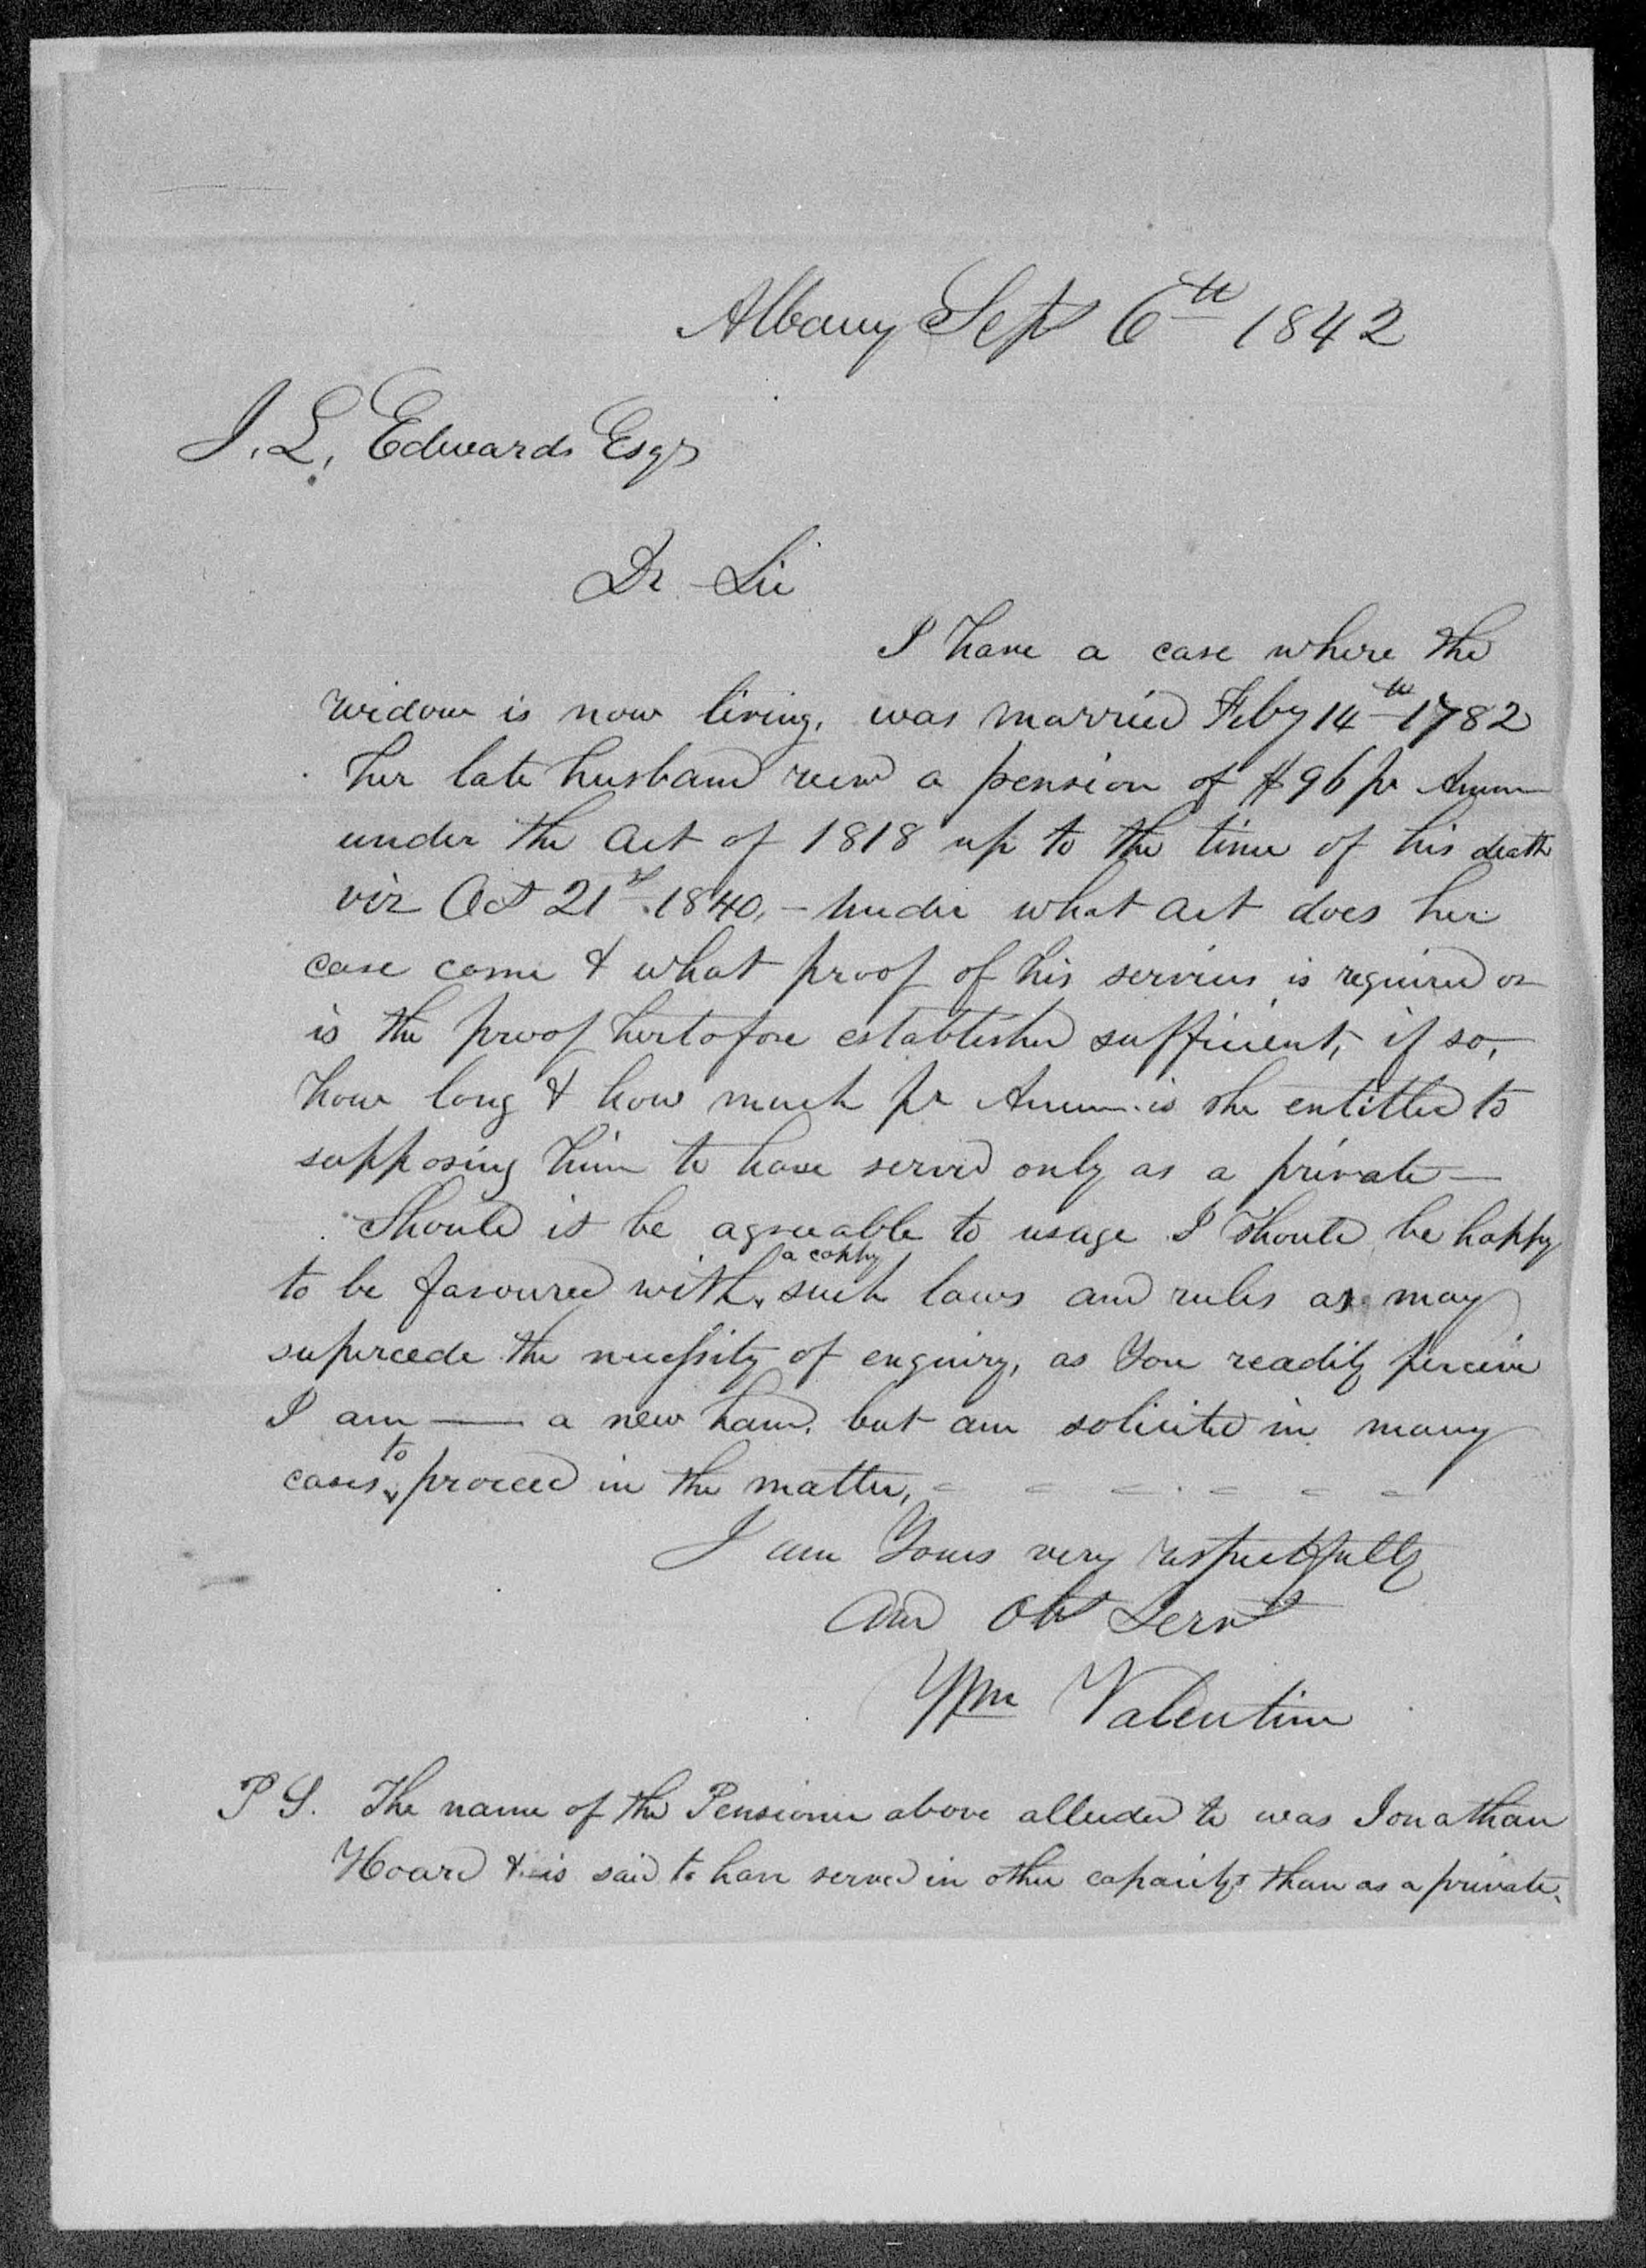Albany Sept 6th 1842
J.L. Edwards Esqr

Dr Sir
I have a case where the widow is now living, was married Feby 14th 1782 her late husband recd a pension of $96 per Annum under the act of 1818 up to the time of his death viz Oct 21st 1840-- under what act does her case come & what proof of his services is required or is the proof heretofore established sufficient, if so, how long & how much per Annum is she entitled to supposing him to have served only as a private-- 

Should it be agreeable to usage I should be happy to be favoured with a copy [of] such laws and rules as may supercede the necessity of enquiry, as You readily perceive I am -- a new hand, but am solicited in many cases to proceed in the matter,
I am Yours very respectfully
and Obt Servt
Wm Valentine
P.S. The name of the Pensioner above alluded to was Jonathan Hoard & is said to have served in other capacity than as a private.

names: Jonathan Hoard, Wm Valentine, J L Edwards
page: 28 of 52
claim: widow's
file: W 19755, Jonathan Hoard, Mass.